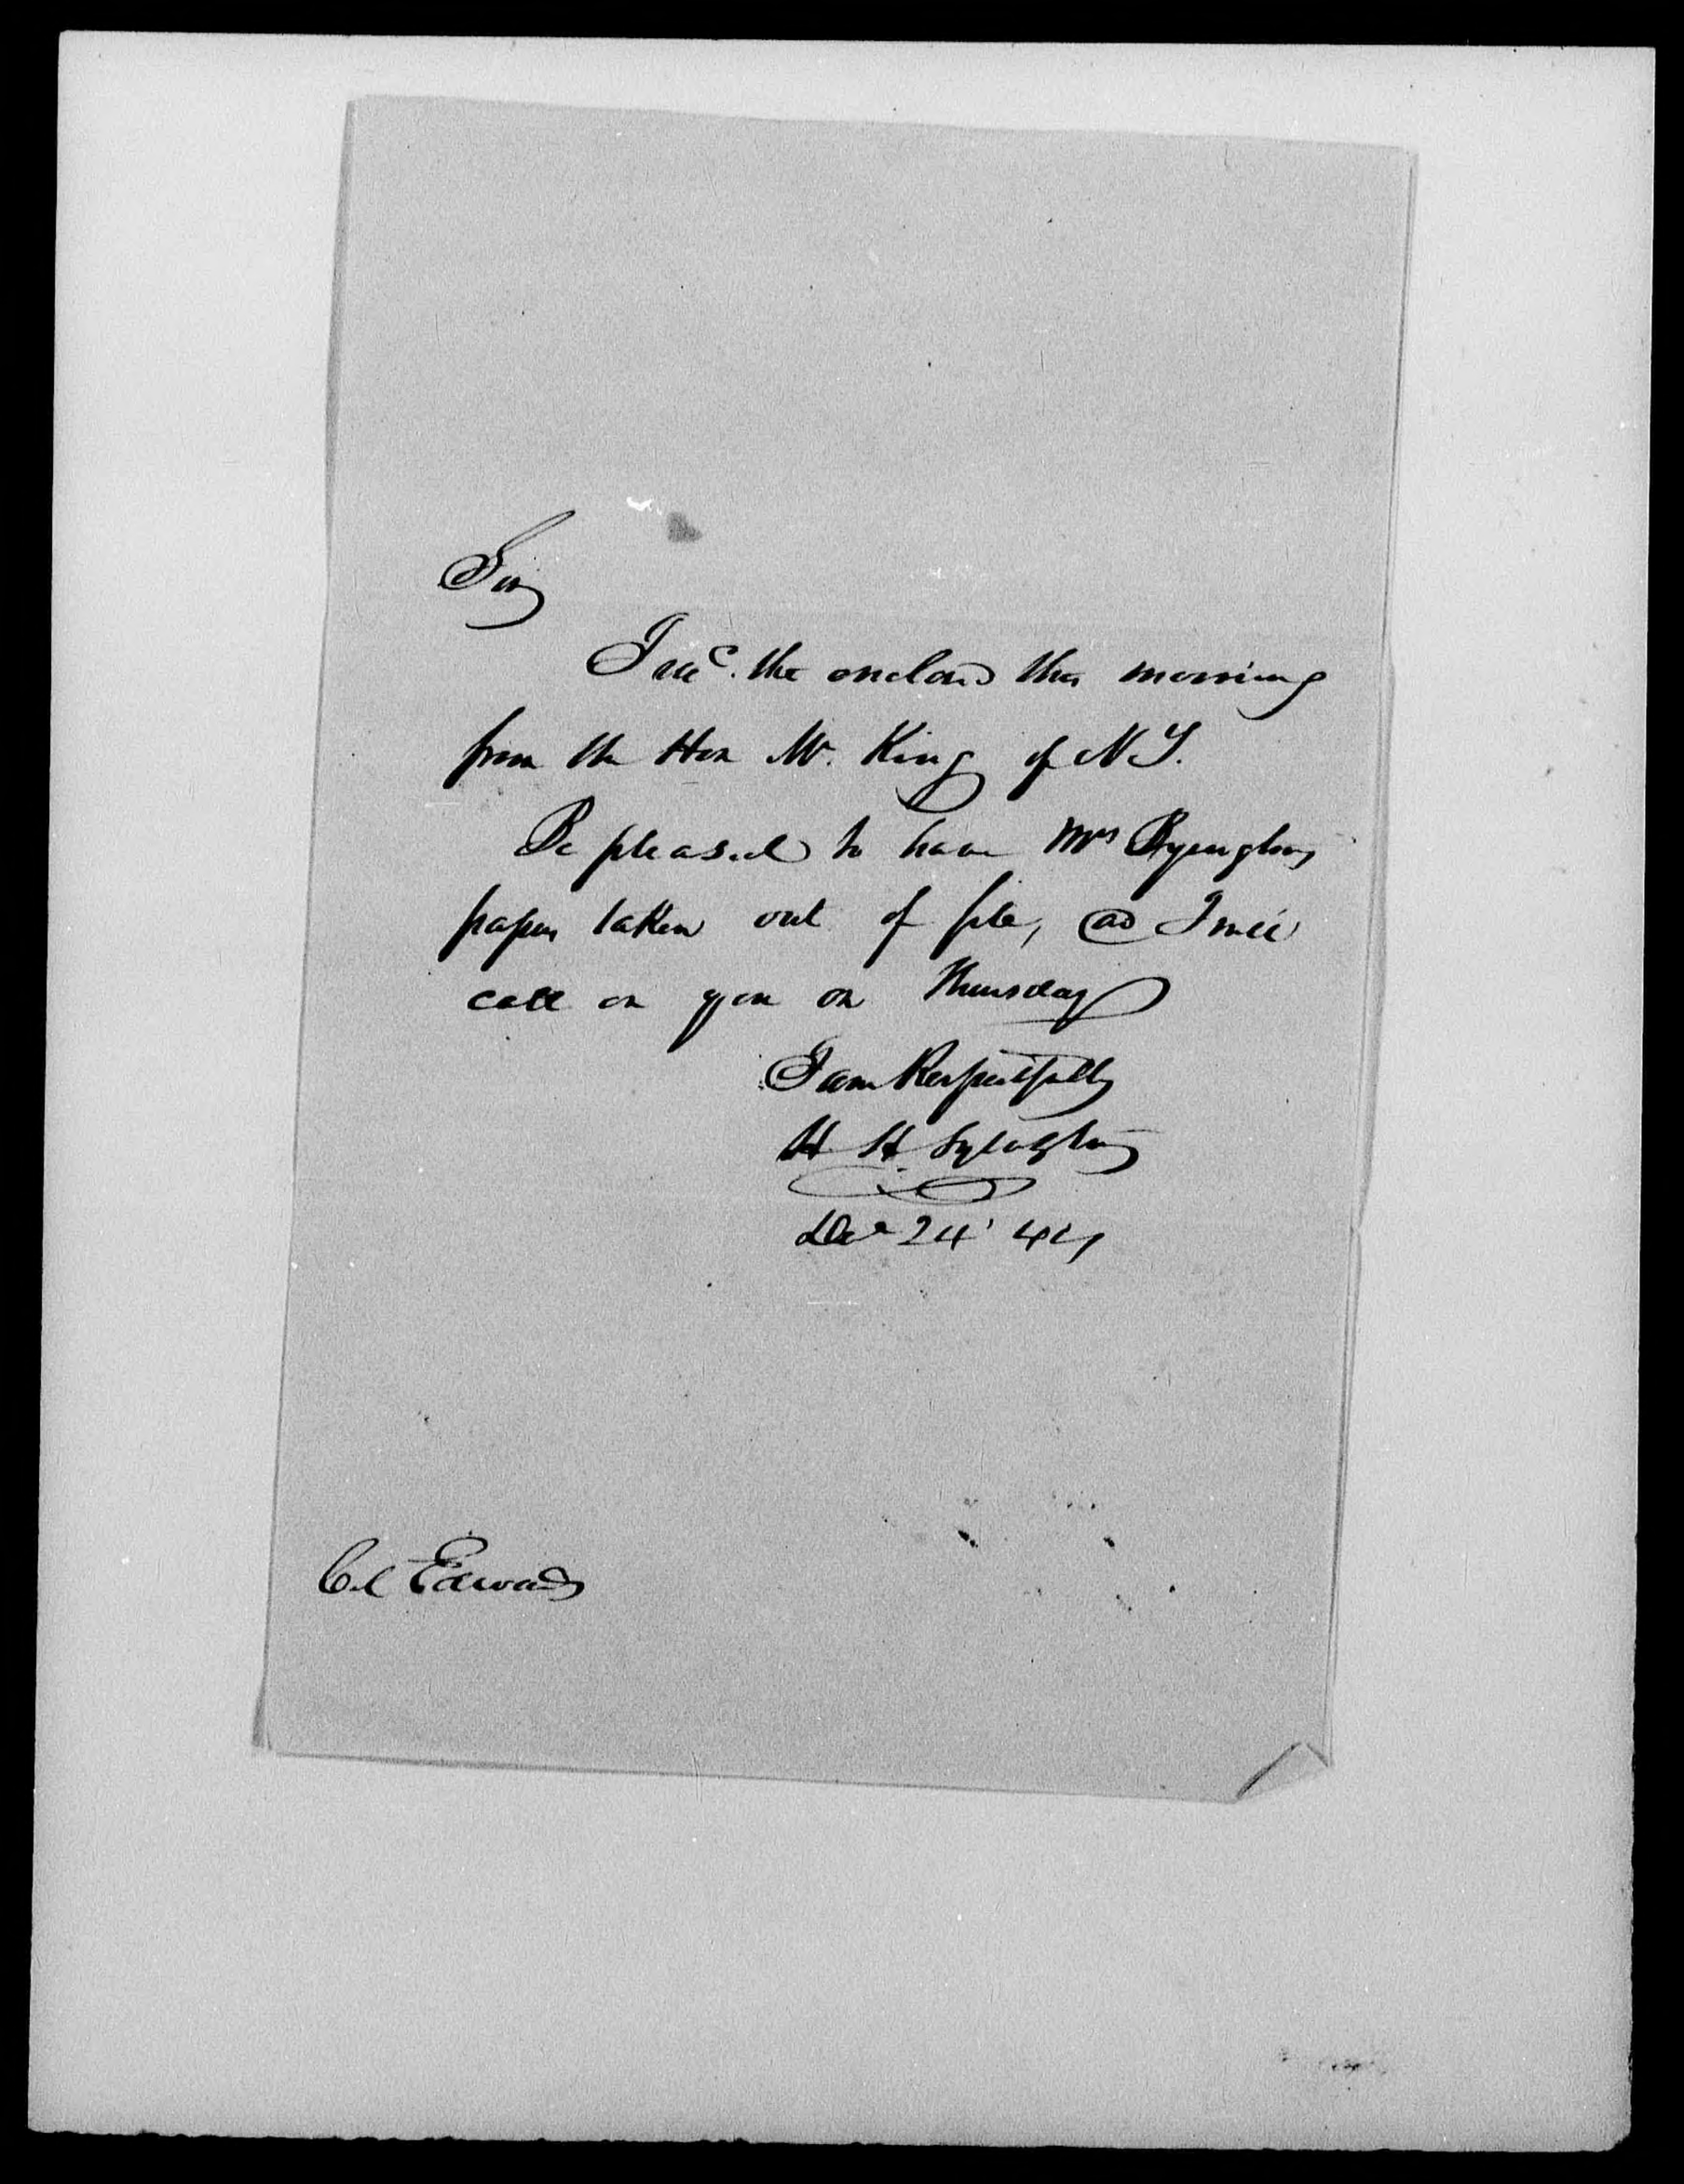Sir

I (illegible) the enclosed the morning from the Hon W. King of NY.
Be please to have Mrs. Byington 's paper taken out of file, as I will call on you on Thursday.
I am Respectfully
H.H. Sylvester
Dec. 24 '44

C.L. Edwards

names: Edwards, King, Byington, H H Sylvester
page: 43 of 79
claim: widow's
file: W. 23754, Justus Byington, Conn.